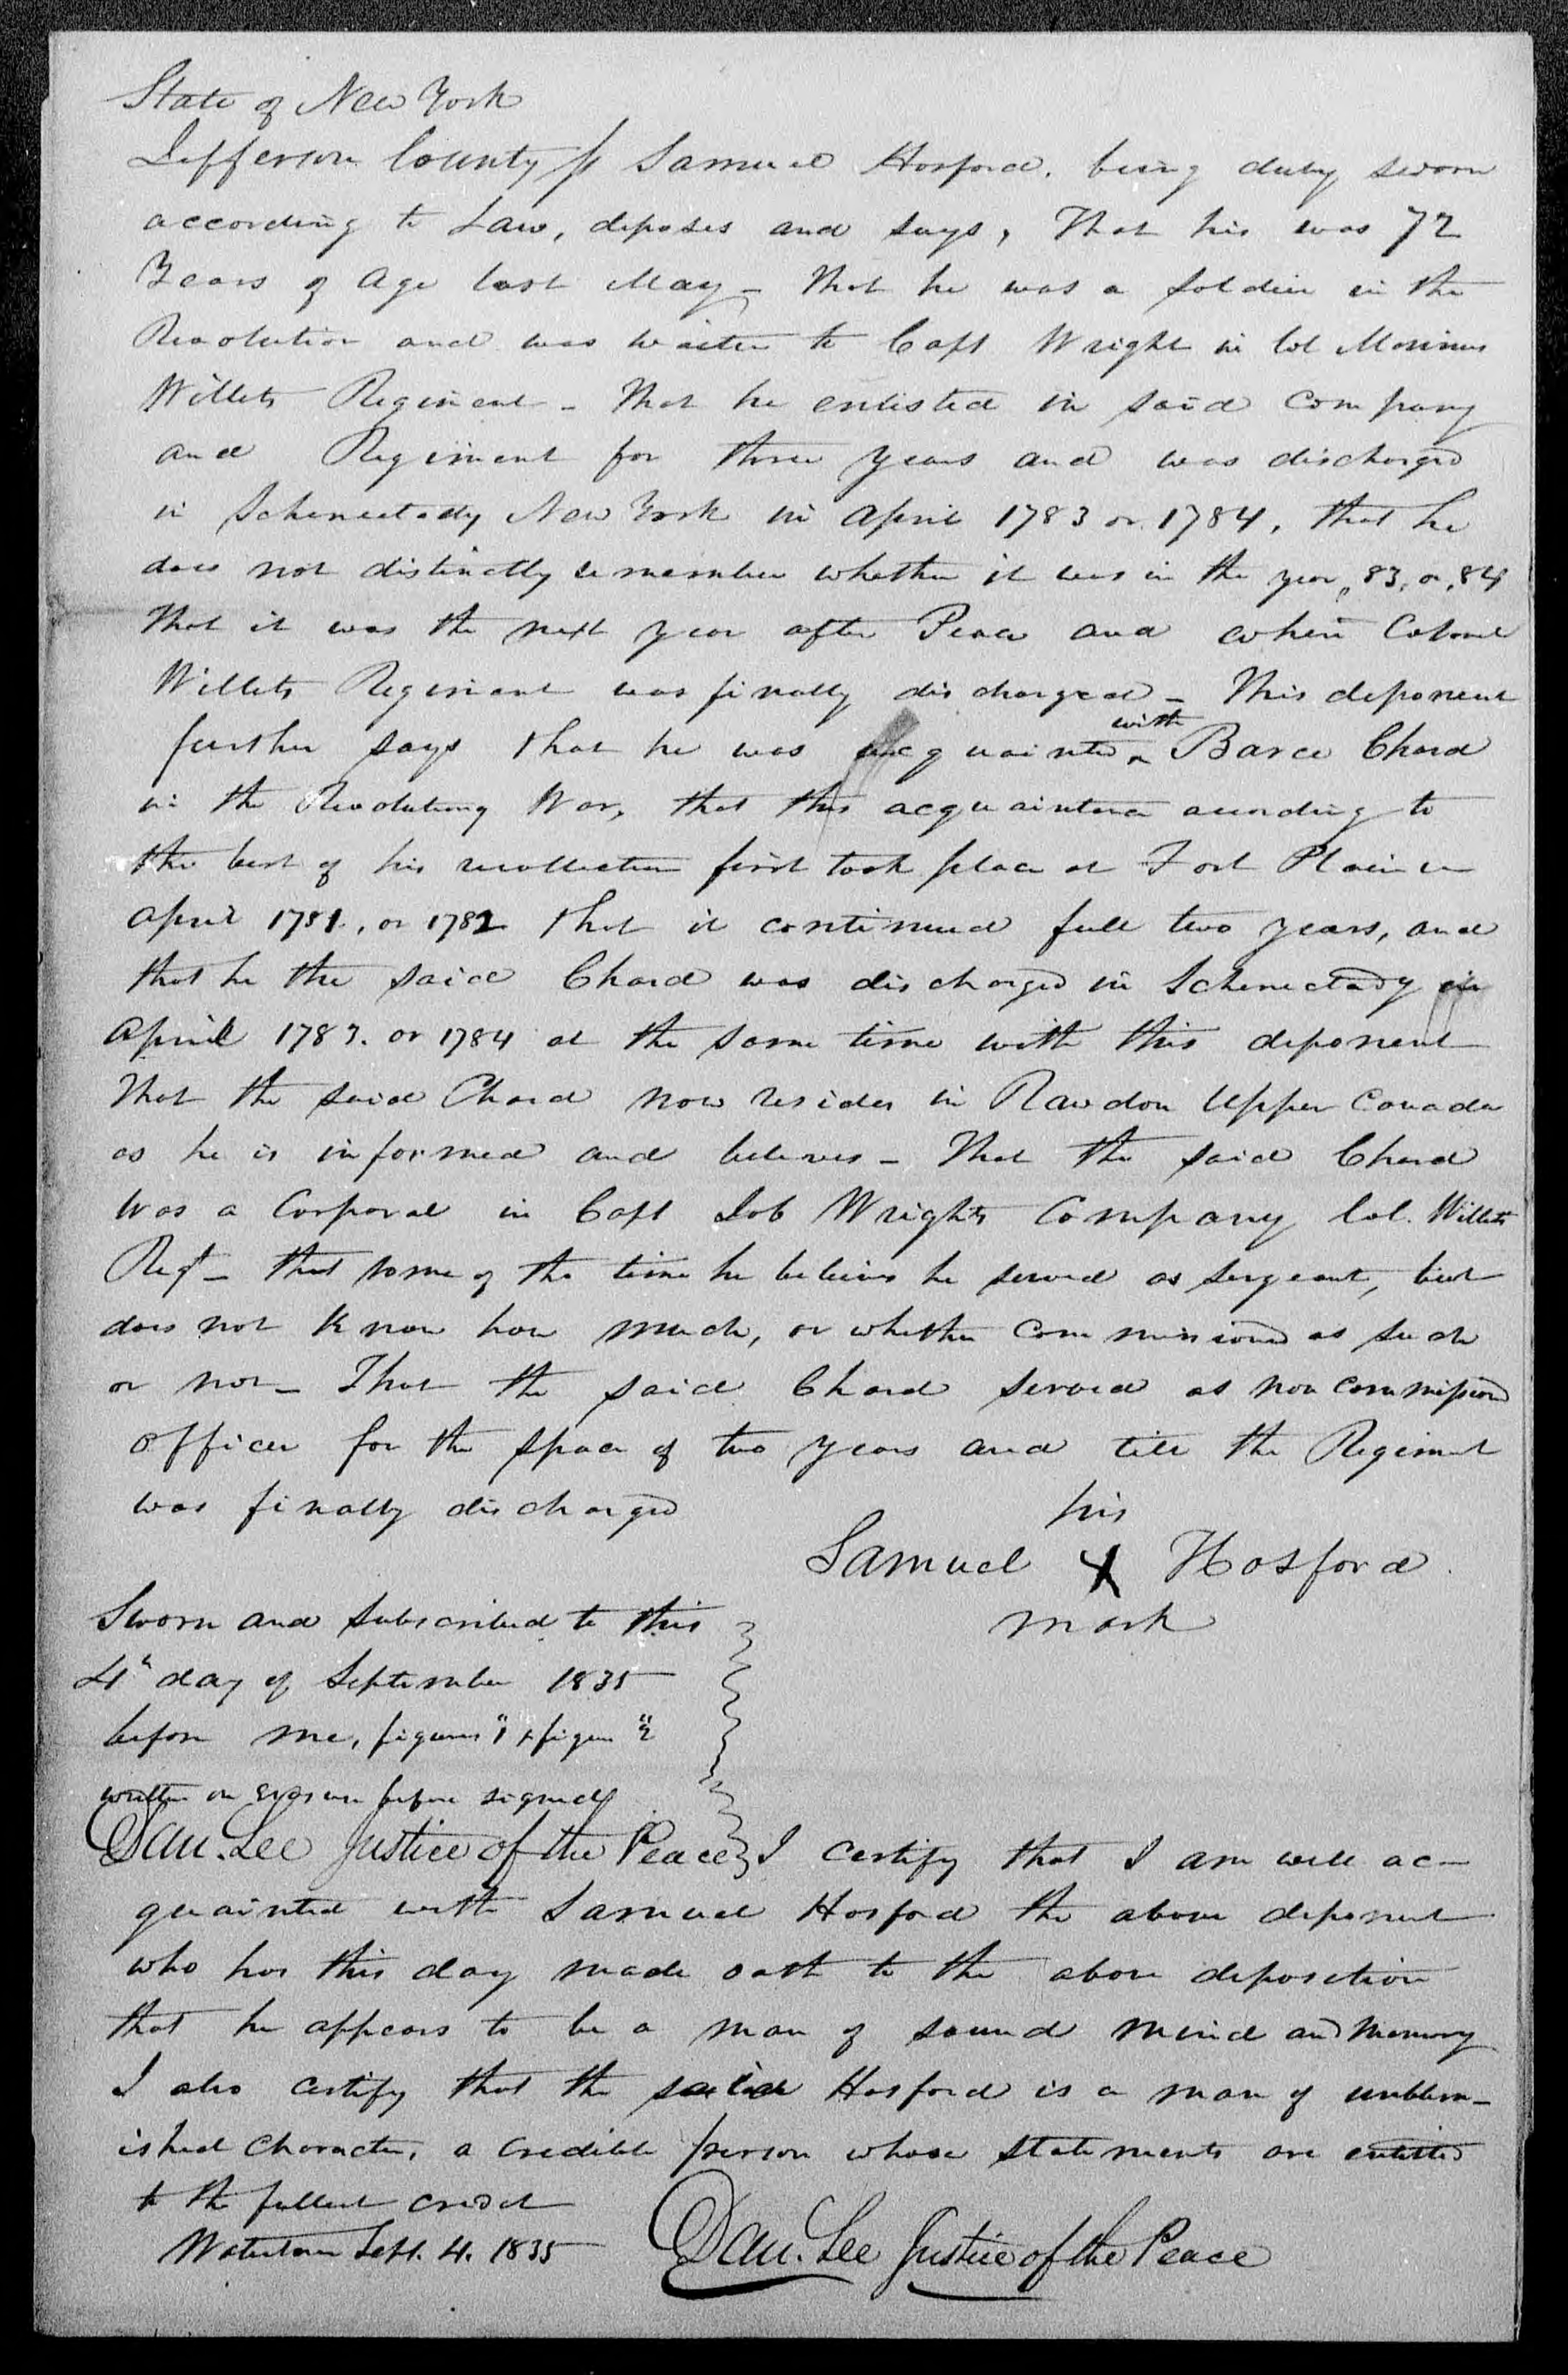State of New York 
Jefferson County ss. 
Samuel Hosford, being duly sworn according to Law, deposes and says, that his was 72 Years of age last May, that he was a Soldier in the Revolution and was waiter to Capt Wright in Col Marinus Willets Regiment - That he enlisted in said Company and Regiment for three years and was discharged in Schenectady New York in April 1783 or 1784, that he does not distinctly remember whether it was in the year 83 or 84. That it was the next year after Peace and when Colonel Willets Regiment was finally discharged. This deponent further says that he was acquainted with Barce Chard in the Revolutionary War, that this acquaintence according to the best of his recollection first took place at Fort Plain in April 1781 or 1782. That it continued full two years, and that he the said Chard was discharged in Schenectady in April 1783 or 1784 at the same time with this deponent. That the said Chard now resides in Rawdon Upper Canada as he is informed and believes - That the said Chard was a Corporal in Capt Job Wrights Company Col Willis Regt. That some of the time he believes he served as Sergeant, but does not know how much, or whether commissioned as such or not- That the said Chard served as non commissioned officer for the space of two years and till the Regiment was finally discharged. 
Samuel (X his mark) Hosford 

Sworn and subscribed to this}
4th day of September 1835}
before me, figure "1" &  figure "2"} 
written on erasure before signed }
[Signed] Dan, Lee Justice of the Peace 

I certify that I am well a quainted with Samuel Hosford the above deponent who has this day made oath to the above deposition that he appears to be a man of sound mind and memory. I also certify that the said Hosford is a man of unblemished character, a credible person whose statements are entitled to the fullest credit. 
Watertown Sept. 4. 1835  [Signed] Dan. Lee Justice of the Peace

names: Hosford, Dan Lee, Wright, Chard, Samuel Hosford, Dan Lee, Chard, Samuel Hosford, Barce Chard, Chard, Chard, Samuel Hosford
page: 42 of 47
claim: widow's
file: W. 10,602, Barce Chard, New York.